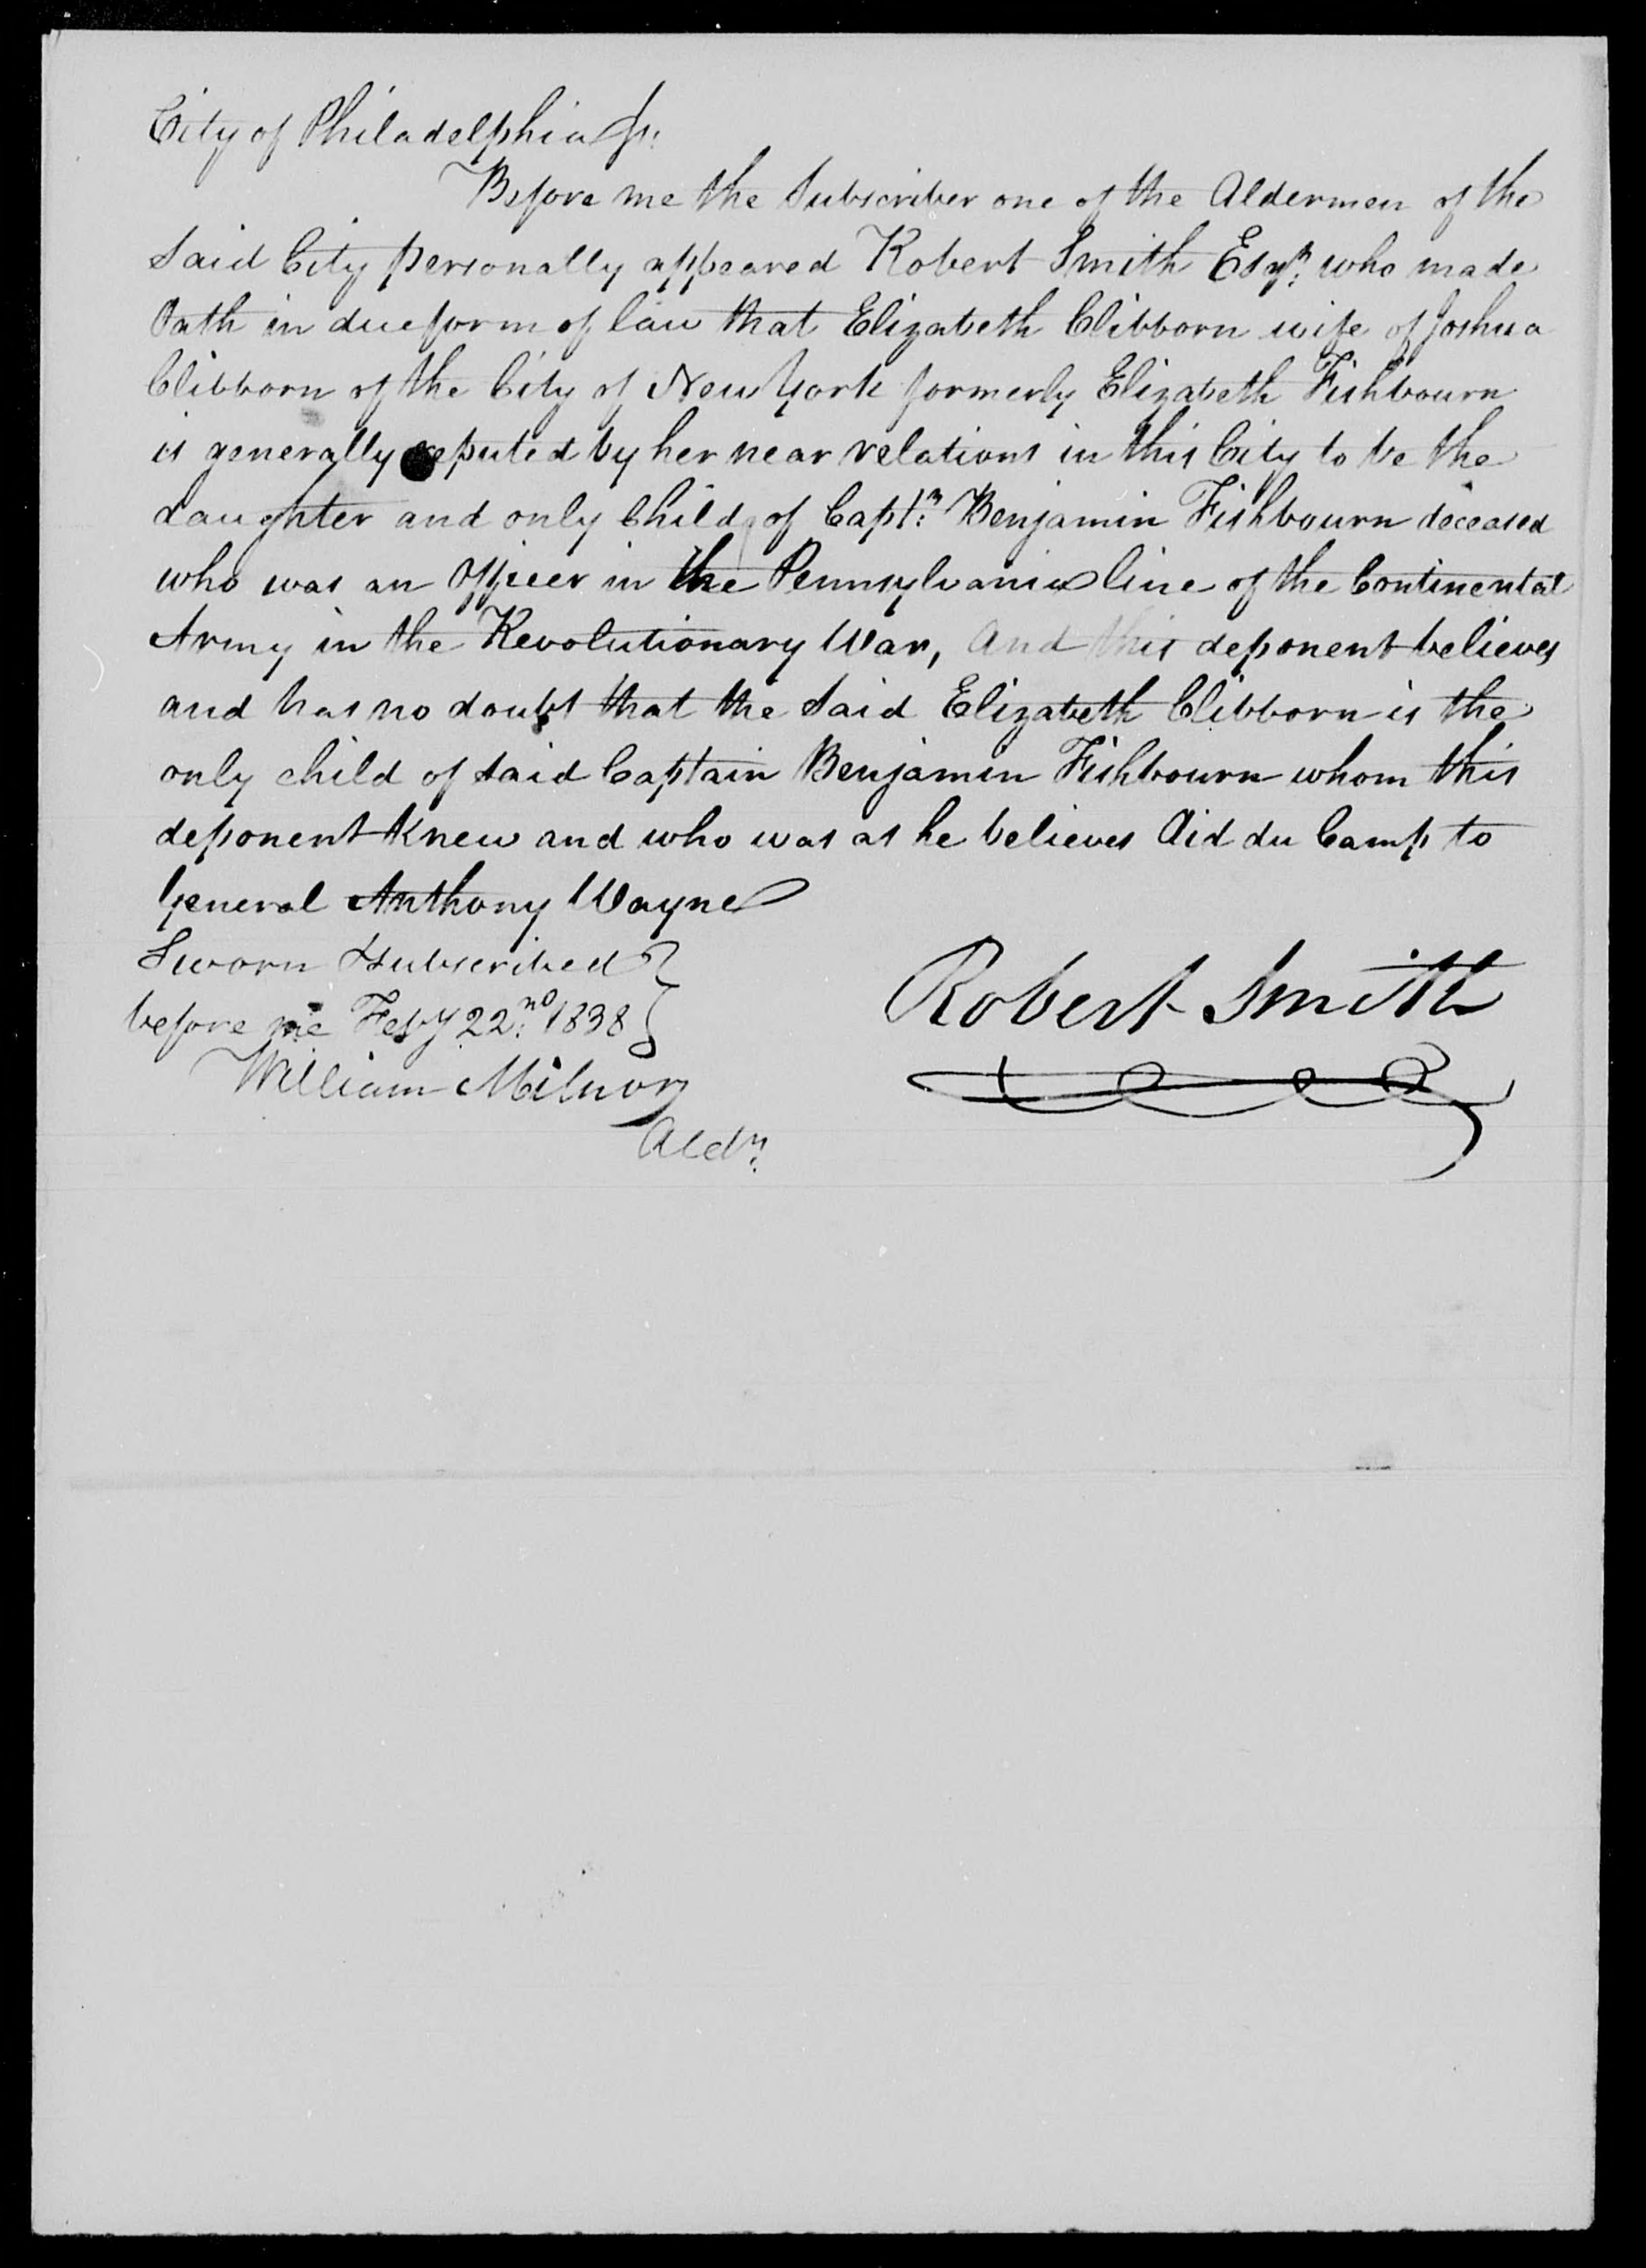City of Philadelphia Pa.
Before me the Subscriber one of the Aldermen of the Said City personally appeared Robert Smith Esqr who made oath in due form of law that Elizabeth Clibborn wife of Joshua Clibborn of the City of New York formerly Elizabeth Fishbourn is generally reputed by her near relations in this City to be the daughter and only Child of Capt: Benjamin Fishbourn deceased who was an Officer in the Pennsylvania line of the Continental Army in the Revolutionary War, And this deponent believes and has no doubt that the Said, Elizabeth Clibborn is the only child of said Captain Benjamin Fishbourn whom this deponent knew and who was as he believes Aid du Camp to General Anthony Wayne
Robert Smith

Sworn &  Subscribed before me Feby 22nd 1838}William Milnor
Aldm.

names: Anthony Wayne, Robert Smith, Robert Smith, William Milnor, Elizabeth, Elizabeth, Benjamin Fishbourn, Elizabeth Fishbourn, Benjamin Fishbourn, Joshua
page: 8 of 11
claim: bounty land warrant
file: B.L.Wt. 2,206-300, Benjamin Fishbourn, Penn.